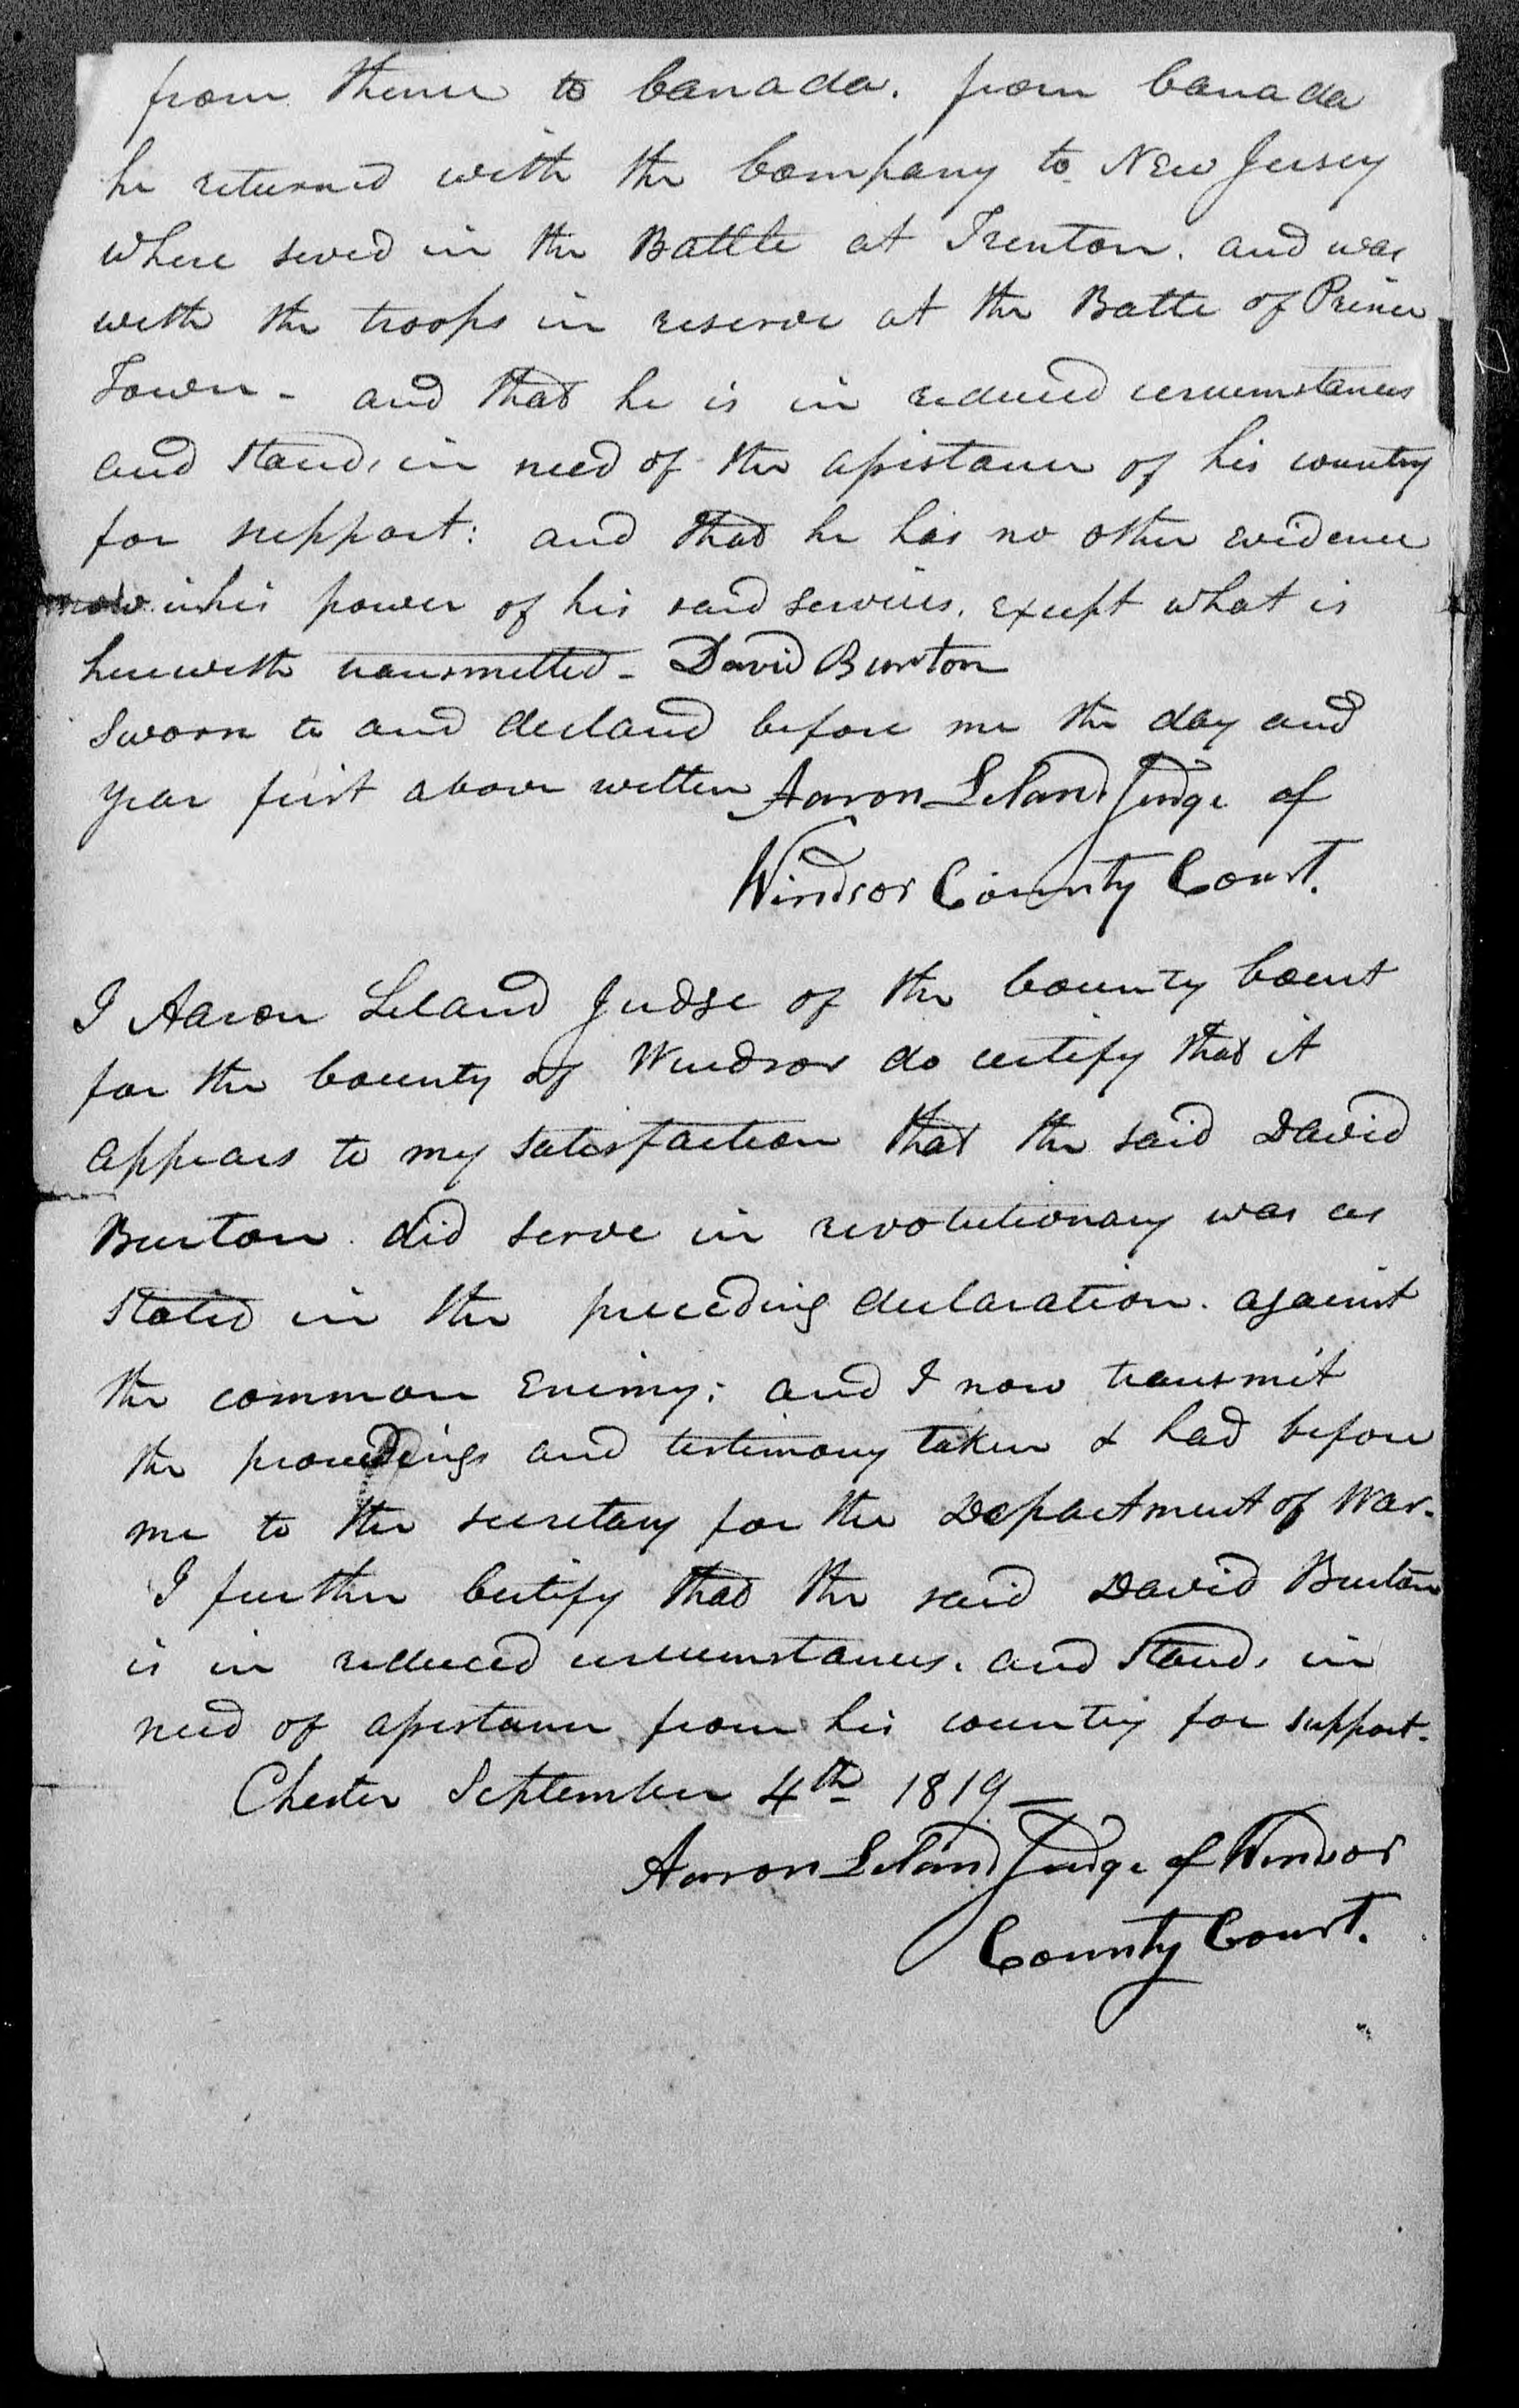from thence to Canada, from Canada he returned with the company to New Jersey where served in the battle of Trenton and was with the troops in reserve at the Battle of Prince Town -[Princeton] and that he is in reduced circumstances and stands in need of the assistance of his country for support; and that he has no other evidence within his power of his said services except what is herewith transmitted - [signed] David Burton

Sworn to and declared before me the day and year first above written.
[signed] Aaron Leland - Judge of Windsor County Court

I Aaron Leland Judge of the county court for the county of Windsor do certify that it appears to my satisfaction that the said David Burton did serve in revolutionary war as stated in the preceding declaration against the common enemy; and I now transmit the proceedings and testimony taken & had before me to the secretary for the Department of War. I further certify that the said David Burton is in reduced circumstances and stands in need of assistance from his county for support.
Chester, September 4th, 1819
[signed] Aaron Leland - Judge of Windsor County Court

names: David Burton, Aaron Leland, David Burton, Aaron Leland, David Burton, Aaron Leland, Prince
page: 6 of 18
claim: survivor's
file: S. 40773, David Burton, N.H.